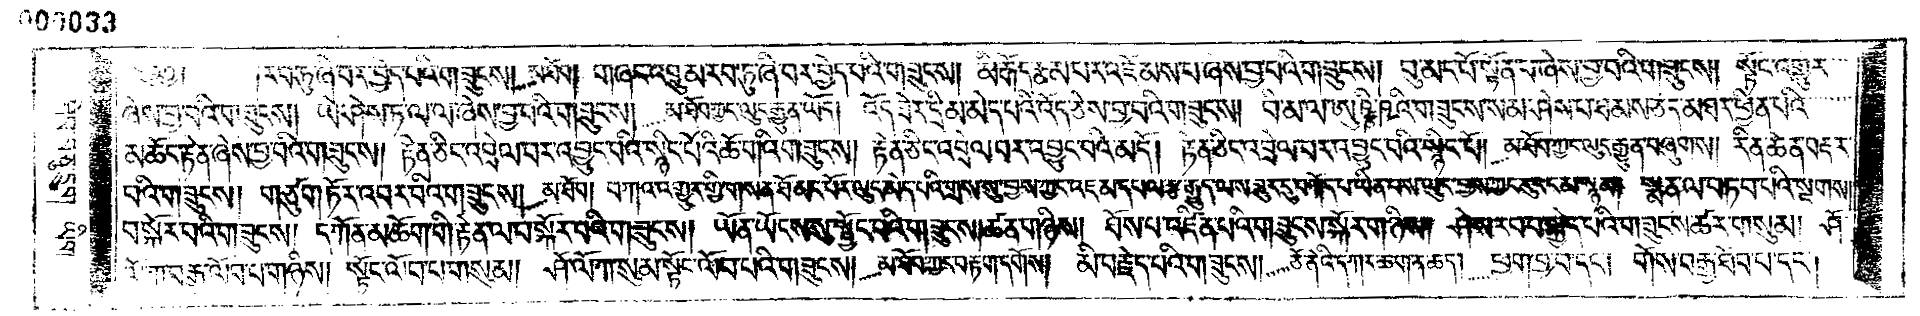༄༅། །རབ་ཏུ་ཞི་བར་བྱེད་པའི་གཟུངས། མ་ཐོབ།  གཞང་འབྲུ་མ་རབ་ཏུ་ཞི་བར་བྱེད་པའི་གཟུངས། མི་རྒོད་རྣམ་པར་འཇོམས་པ་ཞེས་བྱ་བའི་གཟུངས། བུ་མང་པོ་སྟོན་པ་ཞེས་བྱ་བའི་གཟུངས། སྟོང་འགྱུར་
ཞེས་བྱ་བའི་གཟུངས། ཡེ་ཤེས་ཏ་ལ་ཞེས་བྱ་བའི་གཟུངས་མ་ཐོབ་ཀྱང་ལུང་རྒྱུན་ཡོད།  འོད་ཟེར་དྲི་མ་མེད་པའི་འོད་ཅེས་བྱ་བའི་གཟུངས། བི་མ་ལ་ཨུཥྞི་ཥྲའི་གཟུངས་སམ་ཤེས་པ་ཐམས་ཅད་མཐར་ཕྱིན་པའི་
མཆོད་རྟེན་ཞེས་བྱ་བའི་གཟུངས། རྟེན་ཅིང་འབྲེལ་བར་འབྱུང་བའི་སྙིང་པོའི་ཆོ་གའི་གཟུངས། རྟེན་ཅིང་འབྲེལ་བར་འབྱུང་བའི་མདོ། རྟེན་ཅིང་འབྲེལ་བར་འབྱུང་བའི་སྙིང་པོ། མ་ཐོབ་ཀྱང་ལུང་རྒྱུན་བཞུགས།  རིན་ཆེན་བརྡར་
བའི་གཟུངས། གཙུག་ཏོར་འབར་བའི་གཟུངས་མ་ཐོབ། བཀའ་འགྱུར་གྱི་གསན་ཐོ་མང་པོར་ལུང་མེད་པའི་གྲས་སུ་བྱས་ཀྱང་འཇམ་དཔལ་རྩ་རྒྱུད་ལས་ཟུར་དུ་བཀོད་པ་ཡིན་པས་ལུང་བྱས་ཀྱང་རུང་དམ་སྙམ།  སྨན་ལ་བཏབ་པའི་སྔགས།
བསྐོར་བའི་གཟུངས། དཀོན་མཆོག་གི་རྟེན་ལ་བསྐོར་བའི་གཟུངས། ཡོན་ཡོངས་སུ་སྦྱོང་བའི་གཟུངས། ཚན་གཉིས། ཐོས་པ་འཛིན་པའི་གཟུངས་སྐོར་གཉིས། ཤེས་རབ་བསྐྱེད་པའི་གཟུངས་ཚར་གསུམ། ཤོ་
ལོ་ཀ་བརྒྱ་ལོབ་པ་གཉིས། སྟོང་ལོབ་པ་གསུམ། ཤོ་ལོ་ཀ་སུམ་སྟོང་ལོབ་པའི་གཟུངས་མ་ཐོབ་ཀྱང་བརྟག་དགོས།  མི་བརྗེད་པའི་གཟུངས། ཅོ་ནེའི་དཀར་ཆག་ན་ཆད། ཕྱག་བྱ་བ་དང་།  གོས་བརྒྱ་ཐོབ་པ་དང་།